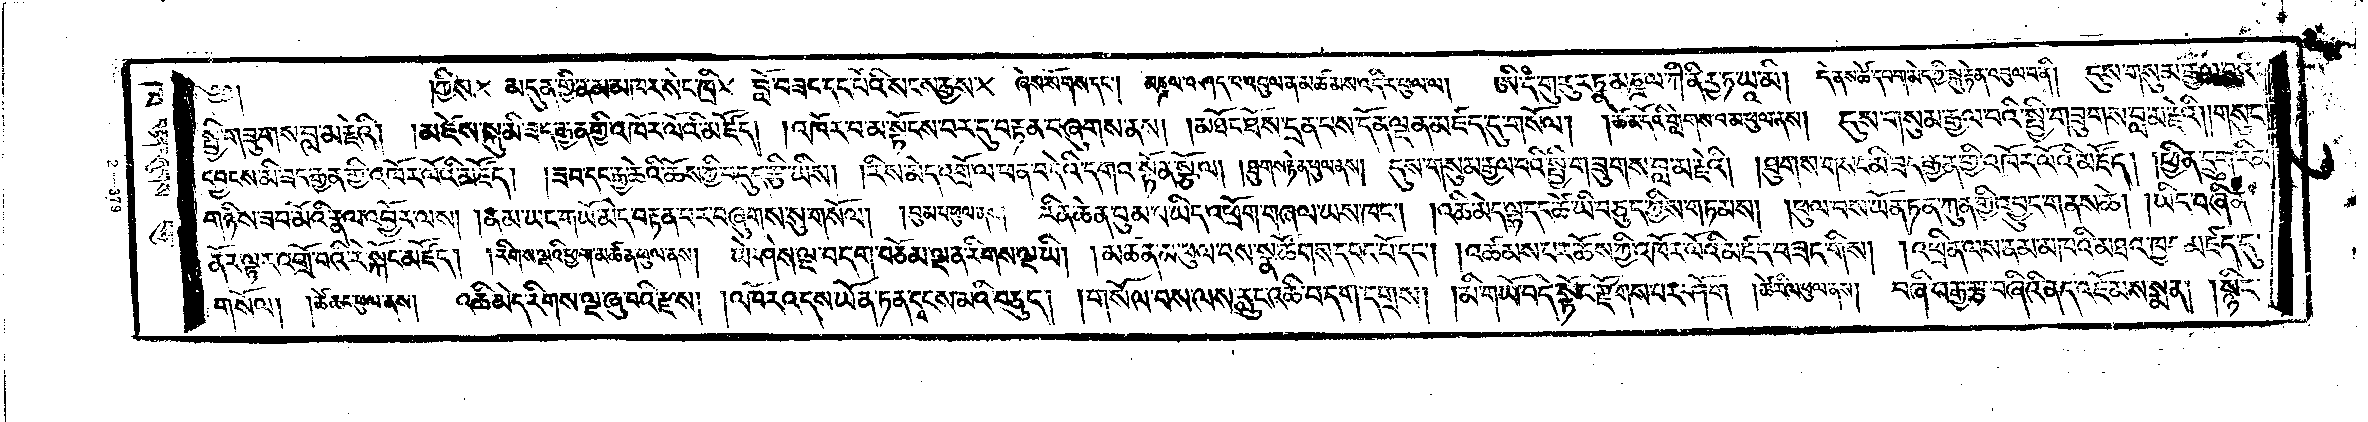༄༅། །ཀྱིས྾་མདུན་གྱི་ནམ་མཁར་སེང་ཁྲི྾་བློ་བཟང་དང་པོའི་སངས་རྒྱས྾་ཞེས་སོགས་དང་། མཎྜལ་བཤད་པ་འབུལ་ན་མཚམས་འདིར་ཕུལ་ལ།  ཨི་དཾ་གུ་རུ་རཏྣ་མཎྜལ་ཀི་ནིརྱ་ཡཱ་མི། དེ་ནས་ཚེ་དཔག་མེད་ཀྱི་སྐུ་རྟེན་འབུལ་བ་ནི།  དུས་གསུམ་རྒྱལ་བའི་
སྤྱི་གཟུགས་བླ་མ་རྗེའི། །མཛེས་སྐུ་མི་ཟད་རྒྱན་གྱི་འཁོར་ལོའི་མཛོད། །འཁོར་བ་མ་སྟོངས་པར་དུ་བརྟན་བཞུགས་ནས། །མཐོང་ཐོས་དྲན་པས་དོན་ལྡན་མཛད་དུ་གསོལ། །ཚེ་མདོའི་གླེགས་བམ་ཕུལ་ནས།  དུས་གསུམ་རྒྱལ་བའི་སྤྱི་གཟུགས་བླ་མ་རྗེའི། །གསུང་
དབྱངས་མི་ཟད་རྒྱན་གྱི་འཁོར་ལོའི་མཛོད། །ཟབ་དང་རྒྱ་ཆེའི་ཆོས་ཀྱི་བདུད་རྩི་ཡིས། །རིས་མེད་འགྲོ་ལ་ཕན་བདེའི་དགའ་སྟོན་སྩོལ། །ཐུགས་རྟེན་ཕུལ་ནས།  དུས་གསུམ་རྒྱལ་བའི་སྤྱི་གཟུགས་བླ་མ་རྗེའི། །ཐུགས་གསང་མི་ཟད་རྒྱན་གྱི་འཁོར་ལོའི་མཛོད། །ཕྱིན་དྲུག་རིང་
གཉིས་ཟབ་མོའི་རྣལ་འབྱོར་ལས། །ནམ་ཡང་གཡོ་མེད་བརྟན་པར་བཞུགས་སུ་གསོལ། །བུམ་པ་ཕུལ་ནས།  རིན་ཆེན་བུམ་པ་ཡིད་འཕྲོག་གཞལ་ཡས་ཁང་། །འཆི་མེད་ལྷ་དང་ཚེ་ཡི་བཅུད་ཀྱིས་གཏམས། །ཕུལ་བས་ཡོན་ཏན་ཀུན་གྱི་འབྱུང་གནས་ཆེ། །ཡིན་བཞིན་
ནོར་ལྟར་འགྲོ་བའི་རེ་སྐོང་མཛོད། །རིགས་ལྔའི་ཕྱག་མཚན་ཕུལ་ནས།  ཡེ་ཤེས་ལྔ་བདག་བཅོམ་ལྡན་རིགས་ལྔ་ཡི། །མཚན་མ་ཕུལ་བས་སྣ་ཚོགས་དབང་པོ་དང་། །འཚམས་པར་ཆོས་ཀྱི་འཁོར་ལོའི་མཛད་བཟང་གིས། །འཕྲིན་ལས་ནམ་མཁའི་མཐའ་ཁྱད་མཛད་དུ་
གསོལ། །ཚེ་ཆང་ཕུལ་ནས།  འཆི་མེད་རིགས་ལྔ་ཞུ་བའི་རྫས། །འཁོར་འདས་ཡོན་ཏན་དྭངས་མའི་བཅུད། །གསོལ་བས་ལས་རླུང་འཆི་བདག་དགྲས། །མི་གཡོ་བདེ་སྟོང་རྫོགས་པར་ཤོག་།ཚེ་རིལ་ཕུལ་ནས།  བཞིས་རྒྱ་རྩ་བཞིའི་ནད་འཇོམས་སྨན། །སྙིང་